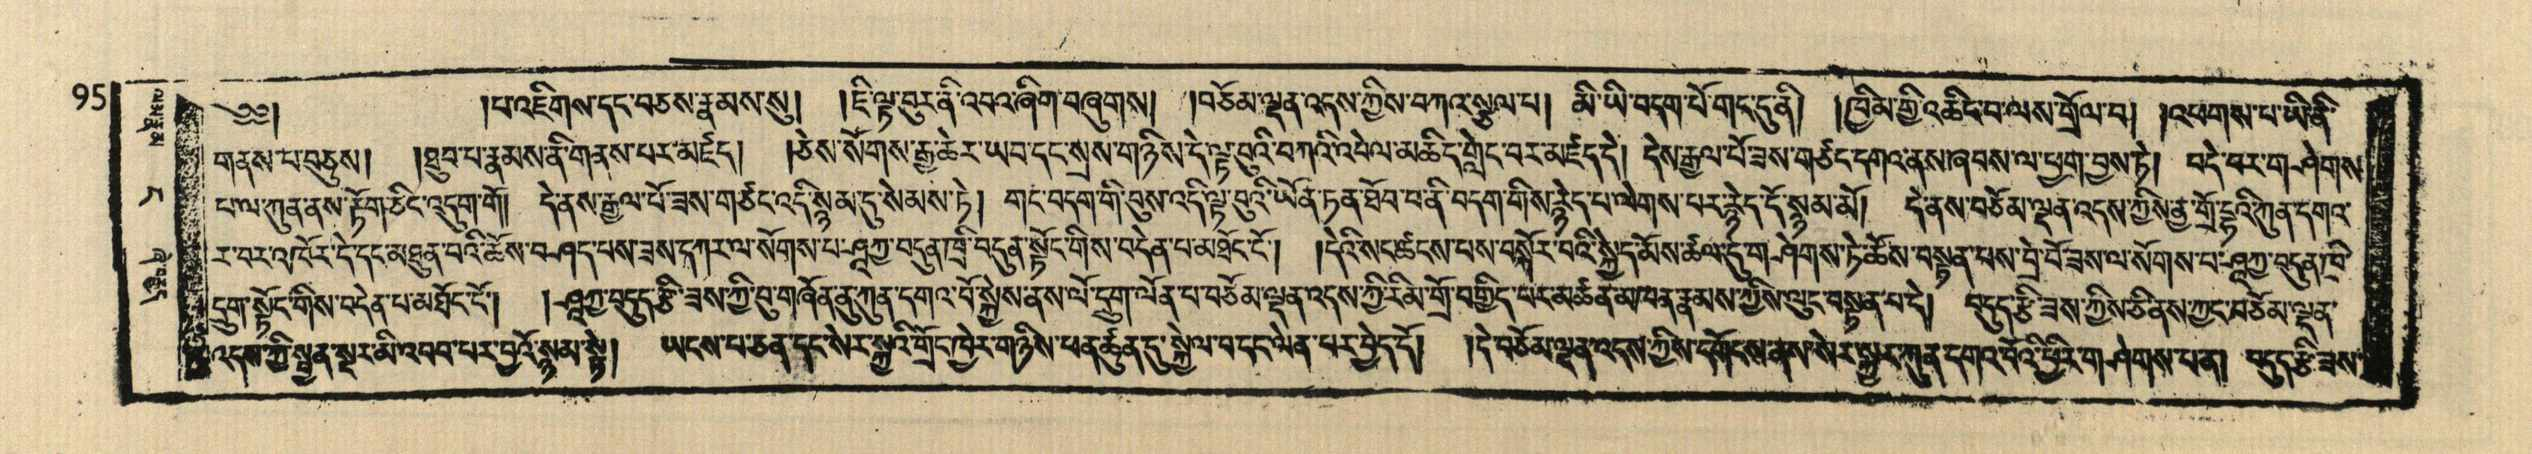༄༅། །པ་འཇིགས་དང་བཅས་རྣམས་སུ། །ཇི་ལྟ་བུར་ནི་འབའ་ཞིག་བཞུགས། །བཅོམ་ལྡན་འདས་ཀྱིས་བཀའ་སྩལ་པ། མི་ཡི་བདག་པོ་གང་དུ་ནི། །ཁྱིམ་གྱི་འཆིང་བ་ལས་གྲོལ་བ། །འཕགས་པ་ཡི་ནི་
གནས་པ་བཅུས། །ཐུབ་པ་རྣམས་ནི་གནས་པར་མཛད། །ཅེས་སོགས་རྒྱ་ཆེར་ཡབ་དང་སྲས་གཉིས་དེ་ལྟ་བུའི་བཀའི་འབེལ་མཆིད་གླེང་བར་མཛད་དེ། དེས་རྒྱལ་པོ་ཟས་གཙང་དགའ་ནས་ཞབས་ལ་ཕྱག་བྱས་ཏེ། བདེ་བར་གཤེགས་
པ་ལ་ཀུན་ནས་རྟོག་ཅིང་འདུག་གོ། དེ་ནས་རྒྱལ་པོ་ཟས་གཙང་འདི་སྙམ་དུ་སེམས་ཏེ། གང་བདག་གི་བུས་འདི་ལྟ་བུའི་ཡོན་ཏན་ཐོབ་པ་ནི་བདག་གིས་རྙེད་པ་ལེགས་པར་རྙེད་དོ་སྙམ་མོ། དེ་ནས་བཅོམ་ལྡན་འདས་ཀྱིས་ནྱ་གྲོ་དྷའི་ཀུན་དགའ་
ར་བར་འཁོར་དེ་དང་མཐུན་བའི་ཆོས་བཤད་པས་ཟས་དཀར་ལ་སོགས་པ་ཤཱཀྱ་བདུན་ཁྲི་བདུན་སྟོང་གིས་བདེན་པ་མཐོང་ངོ། །དེའི་སང་ཚངས་པས་བསྐོར་བའི་སྐྱེད་མོས་ཚལ་དུ་གཤེགས་ཏེ་ཆོས་བསྟན་པས་བྲེ་བོ་ཟས་ལ་སོགས་པ་ཤཱཀྱ་བདུན་ཁྲི་
དྲུག་སྟོང་གིས་བདེན་པ་མཐོང་ངོ། །ཤཱཀྱ་བདུད་རྩི་ཟས་ཀྱི་བུ་གཞོན་ནུ་ཀུན་དགའ་བོ་སྐྱེས་ནས་ལོ་དྲུག་ལོན་པ་བཅོམ་ལྡན་འདས་ཀྱི་རིམ་གྲོ་བགྱིད་པར་མཚན་མཁན་རྣམས་ཀྱིས་ལུང་བསྟན་པ་དེ། བདུད་རྩི་ཟས་ཀྱིས་ཅི་ནས་ཀྱང་བཅོམ་ལྡན་
འདས་ཀྱི་སྤྱན་སྔར་མི་འབབ་པར་བྱའོ་སྙམ་སྟེ། ཡངས་པ་ཅན་དང་སེར་སྐྱའི་གྲོང་ཁྱེར་གཉིས་ཕན་ཚུན་དུ་སྐྱེལ་བ་དང་ལེན་པར་བྱེད་དོ། །དེ་བཅོམ་ལྡན་འདས་ཀྱིས་དགོངས་ནས་སེར་སྐྱར་ཀུན་དགའ་བོའི་ཕྱིར་གཤེགས་པ་ན། བདུད་རྩི་ཟས་